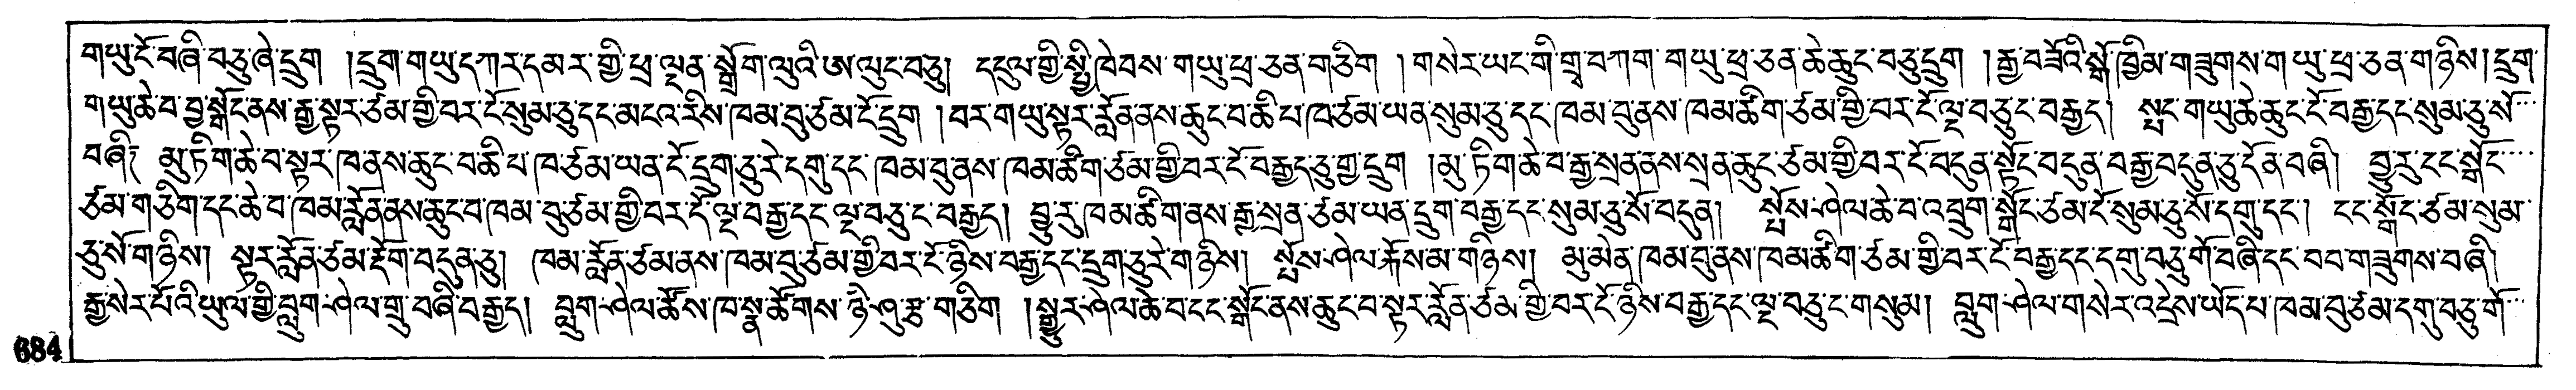གཡུ་ངོ་བཞི་བཅུ་ཞེ་དྲུག །དྲུག་གཡུ་དཀར་དམར་གྱི་ཕྲ་ལྡན་སྒྲོག་ལུའི་ཨ་ལུང་བཅུ། དངུལ་གྱི་སྦྱི་ཁེབས་གཡུ་ཕྲ་ཅན་གཅིག །གསེར་ཡང་གི་གྲྭ་བཀག་གཡུ་ཕྲ་ཅན་ཆེ་ཆུང་བཅུ་དྲུག །རྒྱ་བཟོའི་སྒོ་ཁྱིམ་གཟུགས་གཡུ་ཕྲ་ཅན་གཉིས། དྲུག་
གཡུ་ཆེ་བ་བྱ་སྒོང་ནས་རྒྱ་སྟར་ཙམ་གྱི་བར་ངོ་སུམ་ཅུ་དང་མངའ་རིས་ཁམ་བུ་ཙམ་ངོ་དྲུག །བར་གཡུ་སྟར་རློན་ནས་ཆུང་བ་ཆི་པ། བ་ཙམ་ཡན་སུམ་ཅུ་དང་ཁམ་བུ་ནས་ཁམ་ཚིག་ཙམ་གྱི་བར་ངོ་ལྔ་བཅུ་ང་བརྒྱད། སྤང་གཡུ་ཆེ་ཆུང་ངོ་བརྒྱ་དང་སུམ་ཅུ་སོ་
བཞི༑ མུ་ཏིག་ཆེ་བ་སྟར་ཁ་ནས་ཆུང་བ་ཆི་བ་ཁ་ཙམ་ཡན་ངོ་དྲུག་ཅུ་རེ་དགུ་དང་ཁམ་བུ་ནས་ཁམ་ཚིག་ཙམ་གྱི་བར་ངོ་བརྒྱད་ཅུ་གྱ་དྲུག །མུ་ཏིག་ཆེ་བ་རྒྱ་སྲན་ནས་སྲན་ཆུང་ཙམ་གྱི་བར་ངོ་བདུན་སྟོང་བདུན་བརྒྱ་བདུན་ཅུ་དོན་བཞི། བྱུ་རུ་དང་སྒོང་
ཙམ་གཅིག་དང་ཆེ་བ་ཁམ་རློན་ནས་ཆུང་བ་ཁམ་བུ་ཙམ་གྱི་བར་དོ་ལྔ་བརྒྱ་དང་ལྔ་བཅུ་ང་བརྒྱད། བྱུ་རུ་ཁམ་ཚིག་ནས་རྒྱ་སྲན་ཙམ་ཡན་དྲུག་བརྒྱ་དང་སུམ་ཅུ་སོ་བདུན། སྤོས་ཤེལ་ཆེ་བ་འབྲུག་སྒོང་ཙམ་ངོ་སུམ་ཅུ་སོ་དགུ་དང་། ངང་སྒོང་ཙམ་སུམ ༧་ཅུ་སོ་གཉིས། སྟར་རློན་ཙམ་རྡོག་བདུན་ཅུ། ཁམ་རློན་ཙམ་ནས་ཁམ་བུ་ཙམ་གྱི་བར་ངོ་ཉིས་བརྒྱ་དང་དྲུག་ཅུ་རེ་གཉིས། སྦོས་ཤེལ་རྐོས་མ་གཉིས། མུ་མེན་ཁམ་བུ་ནས་ཁམ་ཚིག་ཙམ་གྱི་བར་ངོ་བརྒྱ་དང་དགུ་བཅུ་གོ་བཞི་དང་བབ་གཟུགས་བཞི།
རྒྱ་སེར་པོའི་ཡུལ་གྱི་བླུག་ཤེལ་གྲུ་བཞི་བརྒྱད། བླུག་ཤེལ་ཚོས་ཁ་སྣ་ཚོགས་ཉི་ཤུ་རྩ་གཅིག །སྒྱུར་ཤེལ་ཆེ་བ་ངང་སྒོཨ་དང་སྒོང་ནས་ཆུང་བ་སྟར་རློན་ཙམ་གྱི་བར་ངོ་ཉིས་བརྒྱ་དང་ལྔ་བཅུ་ང་གསུམ། བླུག་ཤེལ་གསེར་འདྲེས་ཡོད་པ་ཁམ་བུ་ཙམ་དགུ་བཅུ་གོ་